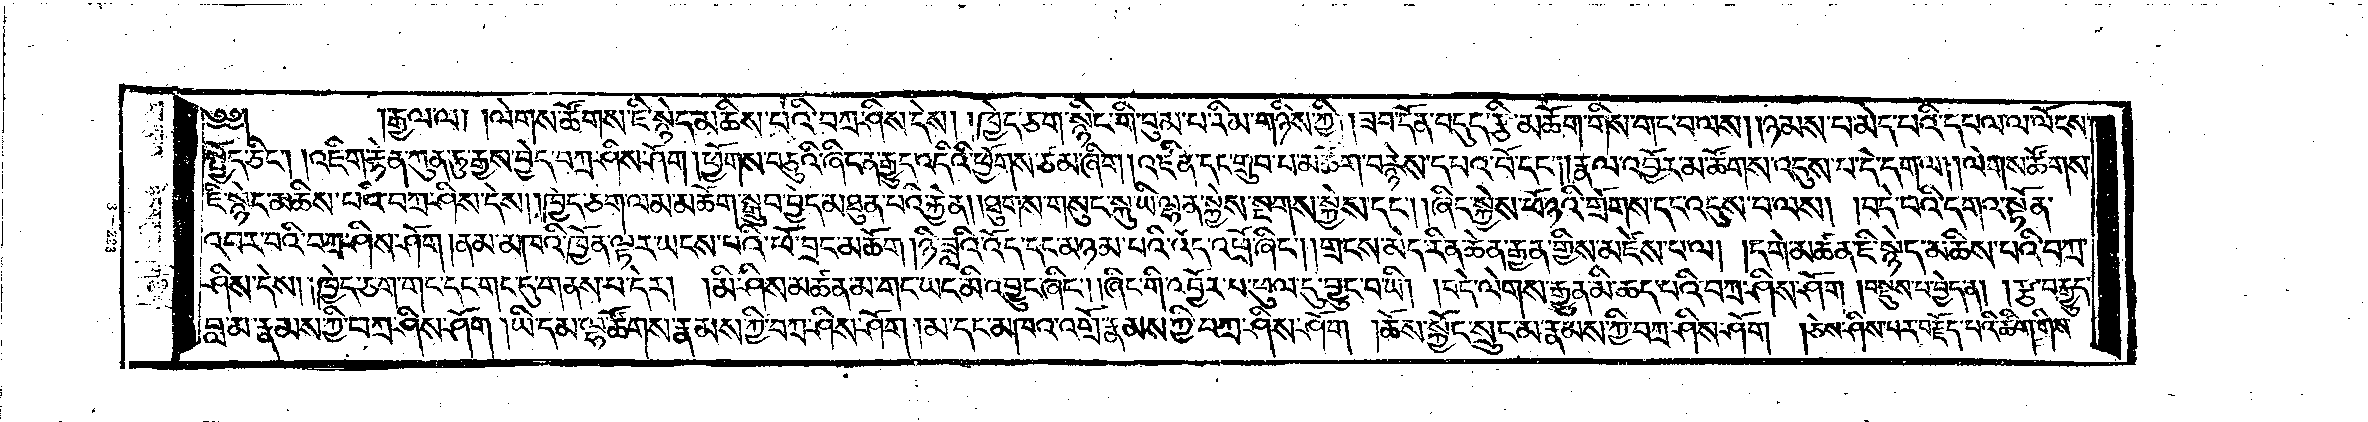༄༅། །རྒྱལ་ལ། །ལེགས་ཚོགས་ཇི་སྙེད་མཆིས་པའི་བཀྲ་ཤིས་དེས། །ཁྱེད་ཅག་སྙིང་གི་བུམ་པ་རིམ་གཉིས་ཀྱི། །ཟབ་དོན་བདུད་རྩི་མཆོག་གིས་གང་བ་ལས། །ཉམས་པ་མེད་པའི་དཔལ་ལ་ལོངས་
སྤྱོད་ཅིང་། །འཇིག་རྟེན་ཀུན་ཏུ་རྒྱས་བྱེད་བཀྲ་ཤིས་ཤོག །ཕྱོགས་བཅུའི་ཞིང་ན་རྒྱུད་འདིའི་ཕྱོགས་ཙམ་ཞིག །འཛིན་དང་གྲུབ་པ་མཆོག་བརྙེས་དཔའ་བོ་དང་། །རྣལ་འབྱོར་མ་ཚོགས་འདུས་པ་དེ་དག་ལ། །ལེགས་ཚོགས་
ཇི་སྙེད་མཆིས་པའི་བཀྲ་ཤིས་དེས། །ཁྱེད་ཅག་ལམ་མཆོག་སྒྲུབ་བྱེད་མཐུན་པའི་རྐྱེན། །ཐུགས་གསུང་སྐུ་ཡི་ལྷན་སྐྱེས་སྔགས་སྐྱེས་དང་། །ཞིང་སྐྱེས་ཕོ་ཉའི་གྲོགས་དང་འདུས་པ་ལས། །བདེ་བའི་དགའ་སྟོན་
འབར་བའི་བཀྲ་ཤིས་ཤོག །ནམ་མཁའ་ཁྱོན་ལྟར་ཡངས་པའི་ཕོ་བྲང་མཆོག །ཉི་ཟླའི་འོད་དང་མཉམ་པའི་འོད་འཕྲོ་ཞིང་། །གྲངས་མེད་རིན་ཆེན་རྒྱན་གྱིས་མཛེས་པ་ལ། །དགེ་མཚན་ཇི་སྙེད་མཆིས་པའི་བཀྲ་
ཤིས་དེས། །ཁྱེད་ཅག་གང་དང་གང་དུ་གནས་པ་དེར། །མི་ཤིས་མཚན་མ་གང་ཡང་མི་འབྱུང་ཞིང་། །ཞིང་གི་འབྱོར་པ་ཕུལ་དུ་བྱུང་བ་ཡི། །བདེ་ལེགས་རྒྱུན་མི་ཆད་པའི་བཀྲ་ཤིས་ཤོག་།བསྡུས་པ་བྱེད་ན། །རྩ་བརྒྱུད
བླ་མ་རྣམས་ཀྱི་བཀྲ་ཤིས་ཤོག །ཡི་དམ་ལྷ་ཚོགས་རྣམས་ཀྱི་བཀྲ་ཤིས་ཤོག །མ་དང་མཁའ་འགྲོ་རྣམས་ཀྱི་བཀྲ་ཤིས་ཤོག །ཆོས་སྐྱོང་སྲུང་མ་རྣམས་ཀྱི་བཀྲ་ཤིས་ཤོག །ཅེས་ཤིས་པར་བརྗོད་པའི་ཚིག་གིས་